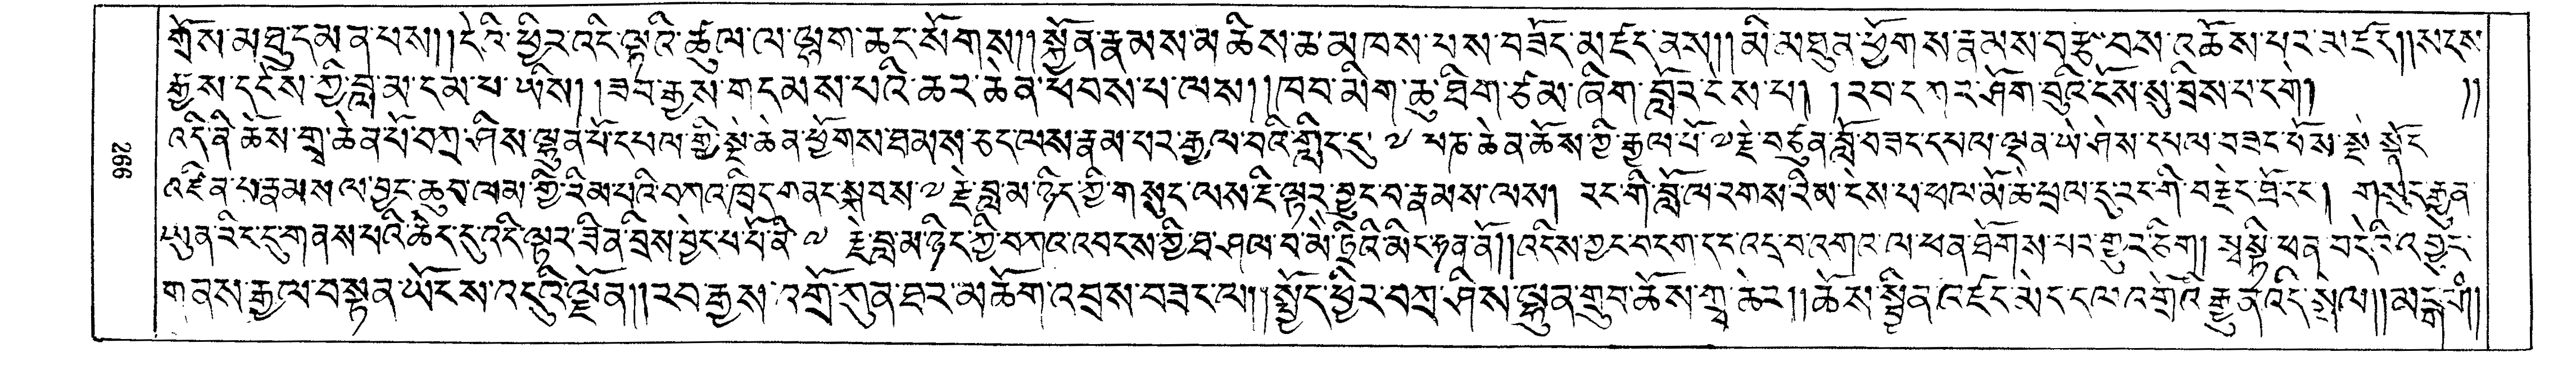གྲོས་མཐུ་དམན་པས། །དེའི་ཕྱིར་འདི་ལྟའི་ཚུལ་ལ་ལྷག་ཆད་སོགས། །སྐྱོན་རྣམས་མཆིས་ཚེ་མཁས་པས་བཟོད་མཛད་ནས། །མི་མཐུན་ཕྱོགས་རྣམས་བརྩེ་བས་འཆོས་བར་མཛོད། །སངས་
རྒྱས་དངོས་ཀྱི་བླ་མ་དམ་པ་ཡིས། །ཟབ་རྒྱས་གདམས་པའི་ཆར་ཆེན་ཕབས་པ་ལས། །ཁབ་མིག་ཆུ་ཐིག་ཙམ་ཞིག་བློར་ངེས་པ། །རབ་དཀར་ཤོག་བུའི་ངོས་སུ་བྲིས་པ་དགེ། །།
འདི་ནི་ཆོས་གྲྭ་ཆེན་པོ་བཀྲ་ཤིས་ལྷུན་པོ་དཔལ་གྱི་སྡེ་ཆེན་ཕྱོགས་ཐམས་ཅད་ལས་རྣམ་པར་རྒྱལ་བའི་གླིང་དུ ༧་པཎ་ཆེན་ཆོས་ཀྱི་རྒྱལ་པོ ༧རྗེ་བཙུན་བློ་བཟང་དཔལ་ལྡན་ཡེ་ཤེས་དཔལ་བཟང་པོས་སྡེ་སྣོད་
འཛིན་པ་རྣམས་ལ་བྱང་ཆུབ་ལམ་གྱི་རིམ་པའི་བཀའ་ཁྲིད་གནང་སྐབས ༧རྗེ་བླ་མ་ཉིད་ཀྱི་གསུང་ལས་ཇི་ལྟར་བྱུང་བ་རྣམས་ལས། རང་གི་བློ་ལ་རགས་རིམ་ངེས་པ་ཕལ་མོ་ཆེ་ཕྲལ་དུ་རང་གི་བརྗེད་ཐོ་དང་། གསུང་རྒྱུན་
ཡུན་རིང་དུ་གནས་པའི་ཆེད་དུ་འདི་ལྟར་ཟིན་བྲིས་བྱེད་པ་པོ་ནི ༧རྗེ་བླ་མ་ཉིད་ཀྱི་བཀའ་འབངས་ཀྱི་ཐ་ཤལ་བ་མེ་ཏྲིའི་མིང་ཅན་ནོ། །འདིས་ཀྱང་བདག་དང་འདྲ་བ་འགའ་ལ་ཕན་ཐོགས་པར་གྱུར་ཅིག། སྭསྟི་ཕན་བདེའི་འབྱུང་
གནས་རྒྱལ་བསྟན་ཡོངས་འདུའི་ལྗོན། །རབ་རྒྱས་འགྲོ་ཀུན་ཐར་མཆོག་འབྲས་བཟང་ལ། །སྤྱོད་ཕྱིར་བཀྲ་ཤིས་ལྷུན་གྲུབ་ཆོས་གྲྭ་ཆེར། །ཆོས་སྦྱིན་འཛད་མེད་དལ་འགྲོའི་རྒྱུན་འདི་སྤེལ། །མངྒ་ལཾ།།